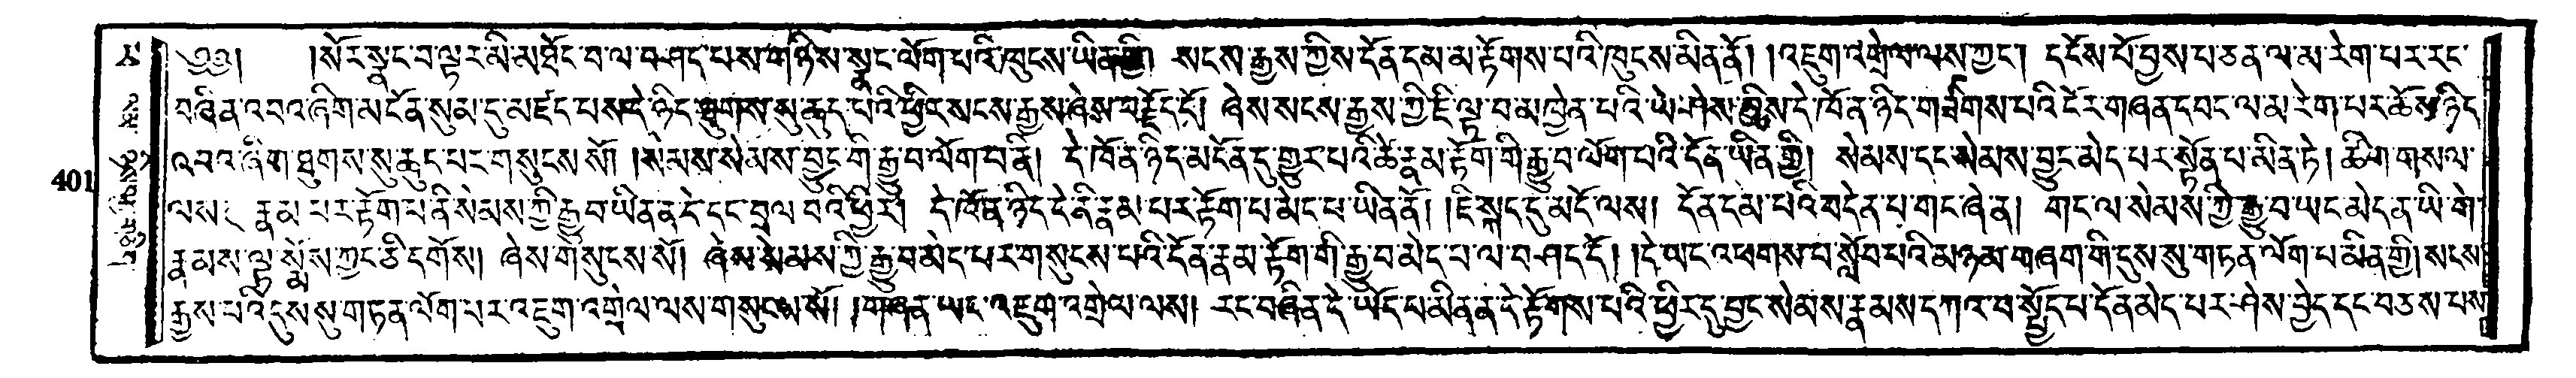༄༅། །སོར་སྣང་བ་ལྟར་མི་མཐོང་བ་ལ་བཤད་པས་གཉིས་སྣང་ལོག་པའི་ཁུངས་ཡིན་གྱི། སངས་རྒྱས་ཀྱིས་དོན་དམ་མ་རྟོགས་པའི་ཁུངས་མིན་ནོ། །འཇུག་འགྲེལ་ལས་ཀྱང་། དངོས་པོ་བྱས་པ་ཅན་ལ་མ་རེག་པར་རང་
བཞིན་འབའ་ཞིག་མངོན་སུམ་དུ་མཛད་པས་དེ་ཉིད་ཐུགས་སུ་ཆུད་པའི་ཕྱིར་སངས་རྒྱས་ཞེས་བརྗོད་དོ། ཞེས་སངས་རྒྱས་ཀྱི་ཇི་ལྟ་བ་མཁྱེན་པའི་ཡེ་ཤེས་བྱིས་དེ་ཁོ་ན་ཉིད་གཟིགས་པའི་ངོར་གཞན་དབང་ལ་མ་རེག་པར་ཆོས་ཉིད་
འབའ་ཞིག་ཐུགས་སུ་ཆུད་པར་གསུངས་སོ། །སེམས་སེམས་བྱུང་གི་རྒྱུ་བ་ལོག་བ་ནི། དེ་ཁོ་ན་ཉིད་མངོན་དུ་གྱུར་པའི་ཚེ་རྣམ་རྟོག་གི་རྒྱུ་བ་ལོག་པའི་དོན་ཡིན་གྱི། སེམས་དང་སེམས་བྱུང་མེད་པར་སྟོན་པ་མིན་ཏེ། ཚིག་གསལ་
ལས༑ རྣམ་པར་རྟོག་པ་ནི་སེམས་ཀྱི་རྒྱུ་བ་ཡིན་ན་དེ་དང་བྲལ་བའི་ཕྱིར། དེ་ཁོ་ན་ཉིད་དེ་ནི་རྣམ་པར་རྟོག་པ་མེད་པ་ཡིན་ནོ། །ཇི་སྐད་དུ་མདོ་ལས། དོན་དམ་པའི་བདེན་པ་གང་ཞེ་ན། གང་ལ་སེམས་ཀྱི་རྒྱུ་བ་ཡང་མེད་ན་ཡི་གེ་
རྣམས་ལྟ་སྨོས་ཀྱང་ཅི་དགོས། ཞེས་གསུངས་སོ། ཞེས་སེམས་ཀྱི་རྒྱུ་བ་མེད་པར་གསུངས་པའི་དོན་རྣམ་རྟོག་གི་རྒྱུ་བ་མེད་པ་ལ་བཤད་དོ། །དེ་ཡང་འཕགས་པ་སློབ་པའི་མཉམ་གཞག་གི་དུས་སུ་གཏན་ལོག་པ་མིན་གྱི། སངས་
རྒྱས་པའི་དུས་སུ་གཏན་ལོག་པར་འཇུག་འགྲེལ་ལས་གསུངས་སོ། །གཞན་ཡང་འཇུག་འགྲེལ་ལས། རང་བཞིན་དེ་ཡོད་པ་མིན་ན་དེ་རྟོགས་པའི་ཕྱིར་དུ་བྱང་སེམས་རྣམས་དཀའ་བ་སྤྱོད་པ་དོན་མེད་པར་ཤེས་བྱེད་དང་བཅས་པས་